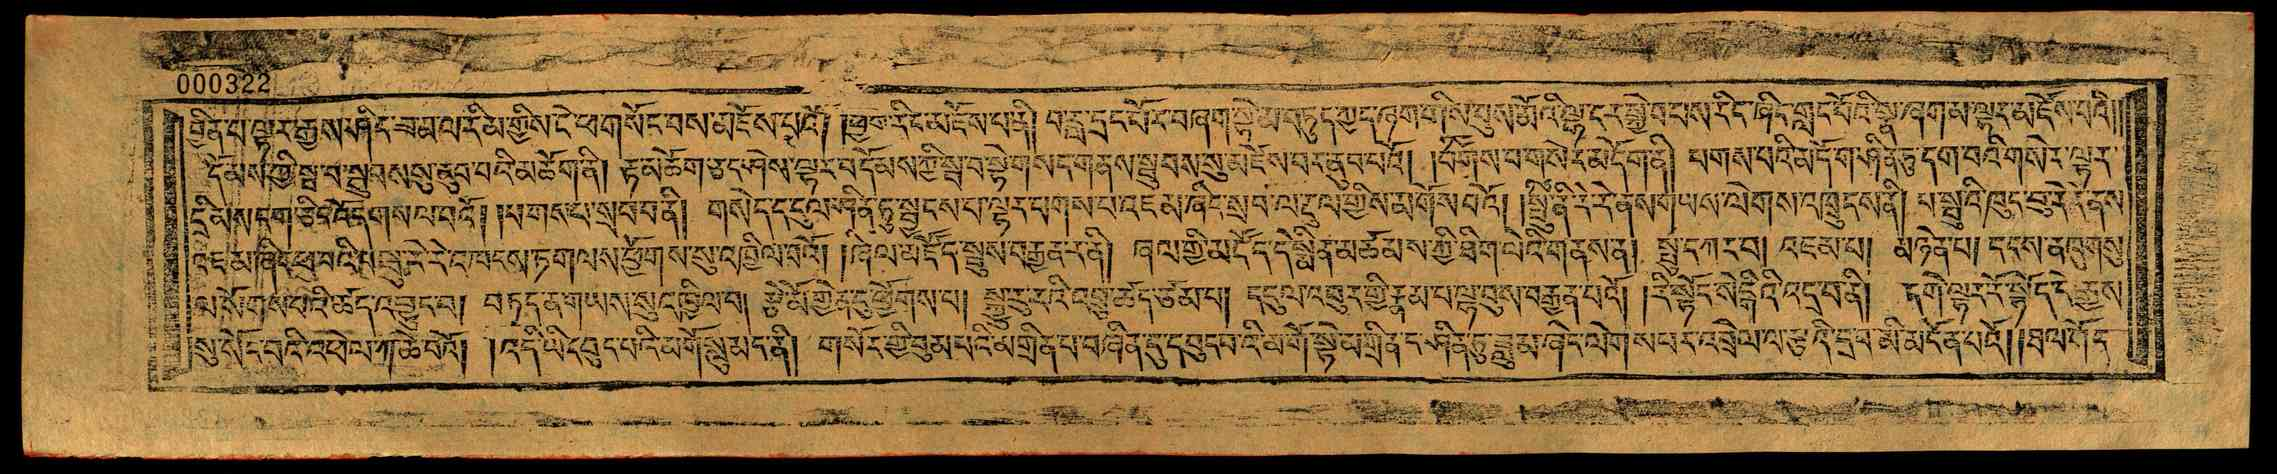བྱིན་པ་ལྟར་རྒྱས་ཤིང་ཟླུམ་ལ་རིམ་གྱིས་ཇེ་ཕྲར་སོང་བས་མཛེས་པའོ། །༡༢་ཕྱག་རིང་མཛེས་པ་ནི། བརླ་དྲང་པོར་བཞག་སྟེ་མ་བཏུབ་ཀྱང་ཕྱག་གིས་པུས་མོའི་ལྷ་ངར་སླེབ་པས་རིང་ཞིང་གླང་པོའི་སྣ་ཞབས་ལྟར་མཛེས་པའོ་
༡༣་འདོམས་ཀྱི་སྦ་བ་སྤུབས་སུ་ནུབ་པའི་མཆོག་ནི། རྟ་མཆོག་ཅང་ཤེས་ལྟར་འདོམས་ཀྱི་སྦ་བ་སྟེ་གསང་གནས་སྦུབས་སུ་མཛེས་པར་ནུབ་པའོ། །པགས་པ་གསེར་མདོག་ནི། པགས་པའི་མདོག་ཤིན་ཏུ་དག་པའི་གསེར་ལྟར་
དྲི་མས་དག་ཅིང་འོད་གསལ་བའོ། །༡༥་པགས་པ་སྲབ་པ་ནི། གསེར་དངུལ་ཤིན་ཏུ་སྦྱངས་པ་ལྟར་པགས་པ་འཇམ་ཞིང་སྲབ་ལ་རྡུལ་གྱིས་མ་གོས་པའོ། །༡༦་སྤུ་ནི་རེ་རེ་ནས་གཡས་ལེགས་འཁྲུངས་ནི། བ་སྤུའི་ཁུང་བུ་རེ་རེ་ནས་
འཇམ་ཞིང་ཕྲ་བའི་བ་སྤུ་རེ་རེ་འཁྲུངས་ཏེ་གཡས་ཕྱོགས་སུ་འཁྱིལ་བའོ། །༡༧་ཞལ་མཛོད་སྤུས་བརྒྱན་ལ་ནི། ཞལ་གྱི་མཛོད་དེ་སྨིན་མཚམས་ཀྱི་ཐིག་ལེའི་གནས་ན། སྤུ་དཀར་བ། འཇམ་པ། མཉེན་པ། དྲངས་ན་ཁྲུ་གསུམ་
ལ་སོགས་པའི་ཚར་འབྱུང་བ། བཏང་ན་གཡས་སུ་འཁྱིལ་བ། རྩེ་མོ་གྱེན་དུ་ཕྱོགས་པ། སྐྱུ་རུ་རའི་འབྲུ་ཚད་ཙམ་པ། དངུལ་འབུར་གྱི་རྣམ་པ་ལྟ་བུས་བརྒྱན་པའོ། །༡༨་རེ་སྟོད་སེངྒེའི་འདྲ་བ་ནི། སེང་གེ་ལྟར་རོ་སྟོད་ཇེ་རྒྱས་
སུ་སོང་བའི་འཕེལ་བ་ཆེ་བའོ། །༡༩་འདི་ཡི་དཔུང་པའི་མགོ་ཟླུམ་པ་ནི། གསེར་གྱི་བུམ་པའི་མགྲིན་པ་བཞིན་དུ་དཔུང་པའི་མགོ་སྟེ་མགྲིན་པ་ཤིན་ཏུ་ཟླུམ་ཞིང་ལེགས་པར་འབྲེལ་ལ་རྩའི་དྲ་བ་མི་མངོན་པའོ། །༢༠་ཐལ་གོང་